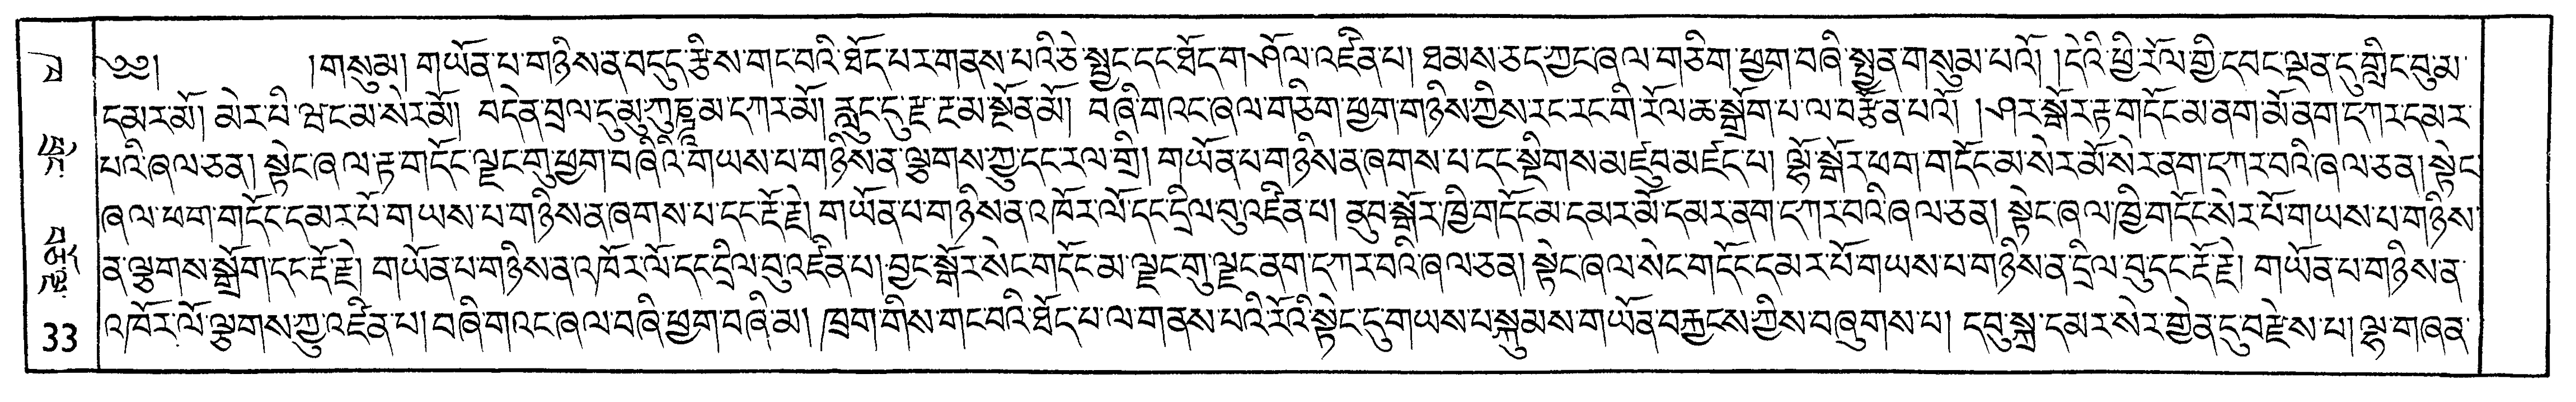༄༅། །གསུམ། གཡོན་པ་གཉིས་ན་བདུད་རྩིས་གང་བའི་ཐོད་པར་གནས་པའི་ཅེ་སྤྱང་དང་ཐོད་གསོལ་འཛིན་པ། ཐམས་ཅད་ཀྱང་ཞལ་གཅིག་ཕྱག་བཞི་སྤྱན་གསུམ་པའོ། །དེའི་ཕྱི་རོལ་གྱི་དབང་ལྡན་དུ་གླིང་བུ་མ་
དམར་མོ། མེར་པི་ཝང་མ་སེར་མོ། བདེན་བྲལ་དུ་མུ་ཀུཎྜཱ་མ་དཀར་མོ། རླུང་དུ་རྫ་རྔ་མ་སྔོན་མོ། བཞི་གའང་ཞལ་གཅིག་ཕྱག་གཉིས་ཀྱིས་རང་རང་གི་རོལ་ཆ་སྒྲོག་པ་ལ་བརྩོན་པའོ། །ཤར་སྒོར་རྟ་གདོང་མ་ནག་མོ་ནག་དཀར་དམར་
པའི་ཞལ་ཅན། སྟེང་ཞལ་རྟ་གདོང་ལྗང་གུ་ཕྱག་བཞིའི་གཡས་པ་གཉིས་ན་ལྕགས་ཀྱུ་དང་རལ་གྲི་།གཡོན་པ་གཉིས་ན་ཞགས་པ་དང་སྡིགས་མཛུབ་མཛད་པ། ལྷོ་སྒོར་ཕག་གདོང་མ་སེར་མོ་སེར་ནག་དཀར་བའི་ཞལ་ཅན། སྟེང་
ཞལ་ཕག་གདོང་དམར་པོ་གཡས་པ་གཉིས་ན་ཞགས་པ་དང་རྡོ་རྗེ། གཡོན་པ་གཉིས་ན་འཁོར་ལོ་དང་དྲིལ་བུ་འཛིན་པ། ནུབ་སྒོར་ཁྱི་གདོང་མ་དམར་མོ་དམར་ནག་དཀར་བའི་ཞལ་ཅན། སྟེང་ཞལ་ཁྱི་གདོང་སེར་པོ་གཡས་པ་གཉིས་
ན་ལྕགས་སྒྲོག་དང་རྡོ་རྗེ། གཡོན་པ་གཉིས་ན་འཁོར་ལོ་དང་དྲིལ་བུ་འཛིན་པ། བྱང་སྒོར་སེང་གདོང་མ་ལྗང་གུ་ལྗང་ནག་དཀར་བའི་ཞལ་ཅན། སྟེང་ཞལ་སེང་གདོང་དམར་པོ་གཡས་པ་གཉིས་ན་དྲིལ་བུ་དང་རྡོ་རྗེ། གཡོན་པ་གཉིས་ན་
འཁོར་ལོ་ལྕགས་ཀྱུ་འཛིན་པ། བཞི་གའང་ཞལ་བཞི་ཕྱག་བཞི་མ། ཁྲག་གིས་གང་བའི་ཐོད་པ་ལ་གནས་པའི་རོའི་སྟེང་དུ་གཡས་པ་སྐུམས་གཡོན་བརྐྱངས་ཀྱིས་བཞུགས་པ། དབུ་སྐྲ་དམར་སེར་གྱེན་དུ་བརྫེས་པ། ལྷ་གཞན་